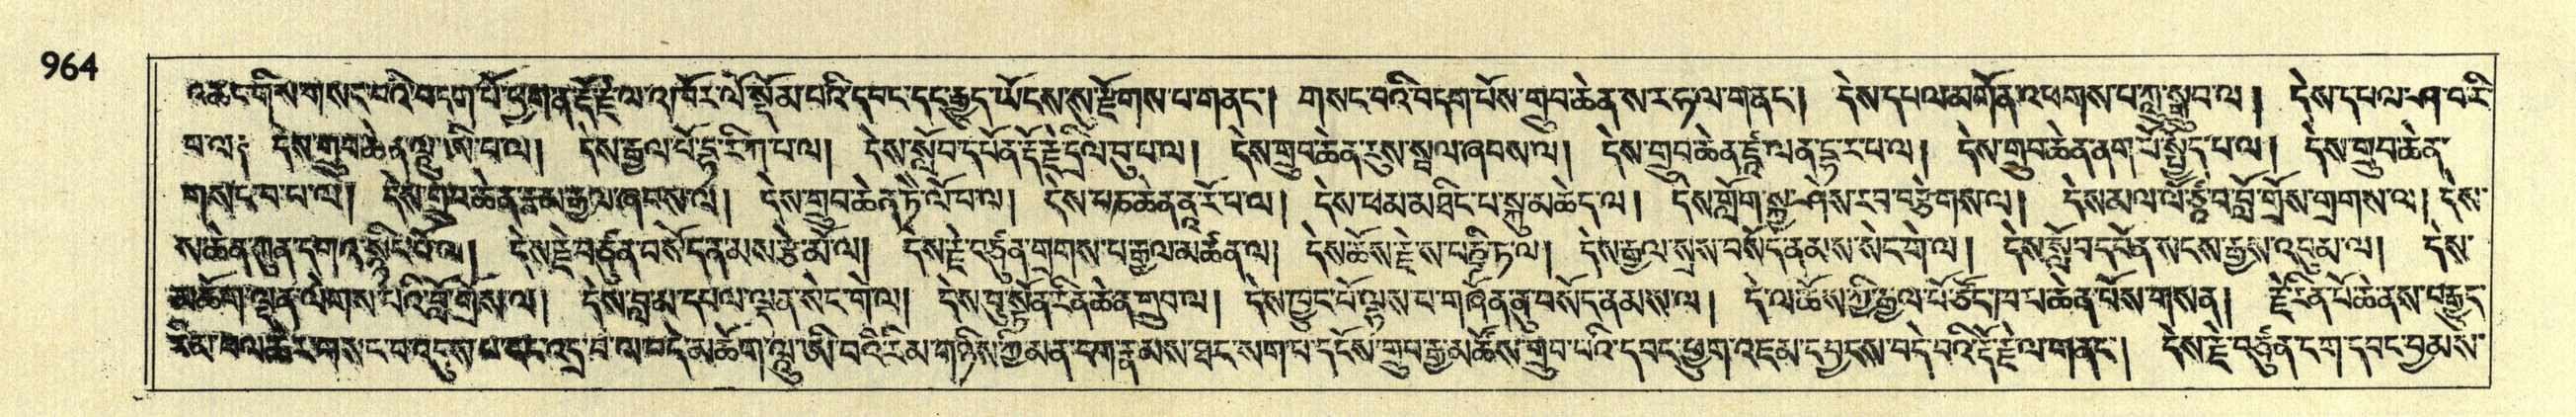འཆང་གིས་གསང་བའི་བདག་པོ་ཕྱག་ན་རྡོ་རྗེ་ལ་འཁོར་ལོ་སྡོམ་པའི་དབང་དང་རྒྱུད་ཡོངས་སུ་རྫོགས་པ་གནང་། གསང་བའི་བདག་པོས་གྲུབ་ཆེན་ས་ར་ཧ་ལ་གནང་། དེས་དཔལ་མགོན་འཕགས་པ་ཀླུ་སྒྲུབ་ལ། དེས་དཔལ་ཤ་བ་རི་
པ་ལ༑ དེས་གྲུབ་ཆེན་ལཱུ་ཨི་པ་ལ། དེས་རྒྱལ་པོ་དྷ་རི་ཀ་པ་ལ། དེས་སློབ་དཔོན་རྡོ་རྗེ་དྲིལ་བུ་པ་ལ། དེས་གྲུབ་ཆེན་རུས་སྦལ་ཞབས་ལ། དེས་གྲུབ་ཆེན་ཛཱ་ལན་དྷ་ར་པ་ལ། དེས་གྲུབ་ཆེན་ནག་པོ་སྤྱོད་པ་ལ། དེས་གྲུབ་ཆེན་
གསང་བ་པ་ལ། དེས་གྲུབ་ཆེན་རྣམ་རྒྱལ་ཞབས་ལ། དེས་གྲུབ་ཆེན་ཏཻ་ལོ་པ་ལ། དེས་པཎ་ཆེན་ནཱ་རོ་པ་ལ། དེས་ཕམ་མཐིང་པ་སྐུ་མཆེད་ལ། དེས་གློག་སྐྱ་ཤེས་རབ་བརྩེགས་ལ། དེས་མལ་ལོ་ཙཱ་བ་བློ་གྲོས་གྲགས་ལ། དེས་
ས་ཆེན་ཀུན་དགའ་སྙིང་པོ་ལ། དེས་རྗེ་བཙུན་བསོད་ནམས་རྩེ་མོ་ལ། དེས་རྗེ་བཙུན་གྲགས་པ་རྒྱལ་མཚན་ལ། དེས་ཆོས་རྗེ་ས་པཎྜི་ཏ་ལ། དེས་རྒྱལ་སྲས་བསོད་ནམས་སེང་གེ་ལ། དེས་སློབ་དཔོན་སངས་རྒྱས་འབུམ་ལ། དེས་
མཆོག་ལྡན་ལེགས་པའི་བློ་གྲོས་ལ། དེས་བླ་མ་དཔལ་ལྡན་སེང་གེ་ལ། དེས་བུ་སྟོན་རིན་ཆེན་གྲུབ་ལ། དེས་ཁྱུང་པོ་ལྷས་པ་གཞོན་ནུ་བསོད་ནམས་ལ། དེ་ལ་ཆོས་ཀྱི་རྒྱལ་པོ་ཙོང་ཁ་པ་ཆེན་པོས་གསན། རྗེ་རིན་པོ་ཆེ་ནས་བརྒྱུད་
རིམ་ཕལ་ཆེར་གསང་བ་འདུས་པ་དང་འདྲ་བ་ལ་བདེ་མཆོག་ལཱུ་ཨི་བའི་རིམ་གཉིས་ཀྱི་མན་ངག་རྣམས་ཐང་སག་པ་དངོས་གྲུབ་རྒྱ་མཚོས་གྲུབ་པའི་དབང་ཕྱུག་འཇམ་དབྱངས་བདེ་བའི་རྡོ་རྗེ་ལ་གནང་། དེས་རྗེ་བཙུན་ངག་དབང་བྱམས་